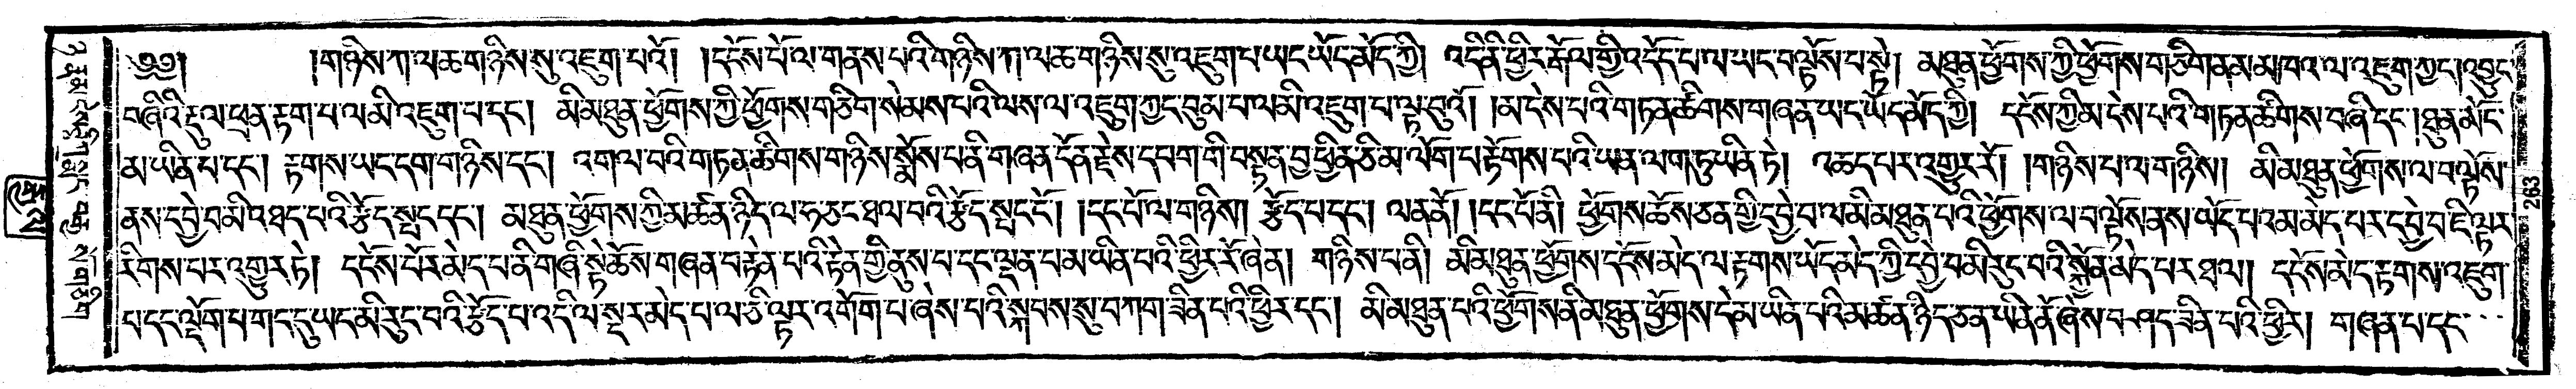༄༅། །གཉིས་ཀ་ལ་ཆ་གཉིས་སུ་འཇུག་པའོ། །དངོས་པོ་ལ་གནས་པའི་གཉིས་ཀ་ལ་ཆ་གཉིས་སུ་འཇུག་པ་ཡང་ཡོད་མོད་ཀྱི། འདི་ནི་ཕྱིར་རྒོལ་གྱི་འདོད་པ་ལ་ཡང་བལྟོས་པ་སྟེ། མཐུན་ཕྱོགས་ཀྱི་ཕྱོགས་གཅིག་ནམ་མཁའ་ལ་འཇུག་ཀྱང་། འབྱུང་
བཞིའི་རྡུལ་ཕྲན་རྟག་པ་ལ་མི་འཇུག་པ་དང་། མི་མཐུན་ཕྱོགས་ཀྱི་ཕྱོགས་གཅིག་སེམས་པའི་ལས་ལ་འཇུག་ཀྱང་བུམ་པ་ལ་མི་འཇུག་པ་ལྟ་བུའོ། །མ་ངེས་པའི་གཏན་ཚིགས་གཞན་ཡང་ཡོད་མོད་ཀྱི། དངོས་ཀྱི་མ་ངེས་པའི་གཏན་ཚིགས་བཞི་དང་།ཐུན་མོང་
མ་ཡིན་པ་དང་། རྟགས་ཡང་དག་གཉིས་དང་། འགལ་བའི་གཏན་ཚིགས་གཉིས་སྨོས་པ་ནི་གཞན་དོན་རྗེས་དཔག་གི་བསྟན་བྱ་ཕྱིན་ཅི་མ་ལོག་པ་རྟོགས་པའི་ཡན་ལག་ཏུ་ཡིན་ཏེ། འཆད་པར་འགྱུར་རོ། །གཉིས་པ་ལ་གཉིས། མི་མཐུན་ཕྱོགས་ལ་བལྟོས་
ནས་དབྱེ་བ་མི་འཐད་པའི་རྩོད་སྤང་དང་། མཐུན་ཕྱོགས་ཀྱི་མཚན་ཉིད་ལ་ཧ་ཅང་ཐལ་བའི་རྩོད་སྤང་ངོ། །དང་པོ་ལ་གཉིས། རྩོད་པ་དང་། ལན་ནོ། །དང་པོ་ནི། ཕྱོགས་ཆོས་ཅན་གྱི་དབྱེ་བ་ལ་མི་མཐུན་པའི་ཕྱོགས་ལ་བལྟོས་ནས་ཡོད་པའམ་མེད་པར་དབྱེ་བ་ཇི་ལྟར་
རིགས་པར་འགྱུར་ཏེ། དངོས་པོར་མེད་པ་ནི་གཞི་སྟེ་ཆོས་གཞན་བརྟེན་པའི་རྟེན་གྱི་ནུས་པ་དང་ལྡན་པ་མ་ཡིན་པའི་ཕྱིར་རོ་ཞེ་ན། གཉིས་པ་ནི། མི་མཐུན་ཕྱོགས་དངོས་མེད་ལ་རྟགས་ཡོད་མེད་ཀྱི་དབྱེ་བ་མི་རུང་བའི་སྐྱོན་མེད་པར་ཐལ། དངོས་མེད་རྟགས་འཇུག་
པ་དང་ལྡོག་པ་གང་དུ་ཡང་མི་རུང་བའི་རྩོད་པ་འདི་ལ་སྔར་མེད་པ་ལ་ཅི་ལྟར་འགོག་པ་ཞེས་པའི་སྐབས་སུ་བཀག་ཟིན་པའི་ཕྱིར་དང་། མི་མཐུན་པའི་ཕྱོགས་ནི་མཐུན་ཕྱོགས་དེ་མ་ཡིན་པའི་མཚན་ཉིད་ཅན་ཡིན་ནོ་ཞེས་བཤད་ཟིན་པའི་ཕྱིར། གཞན་པ་དང་